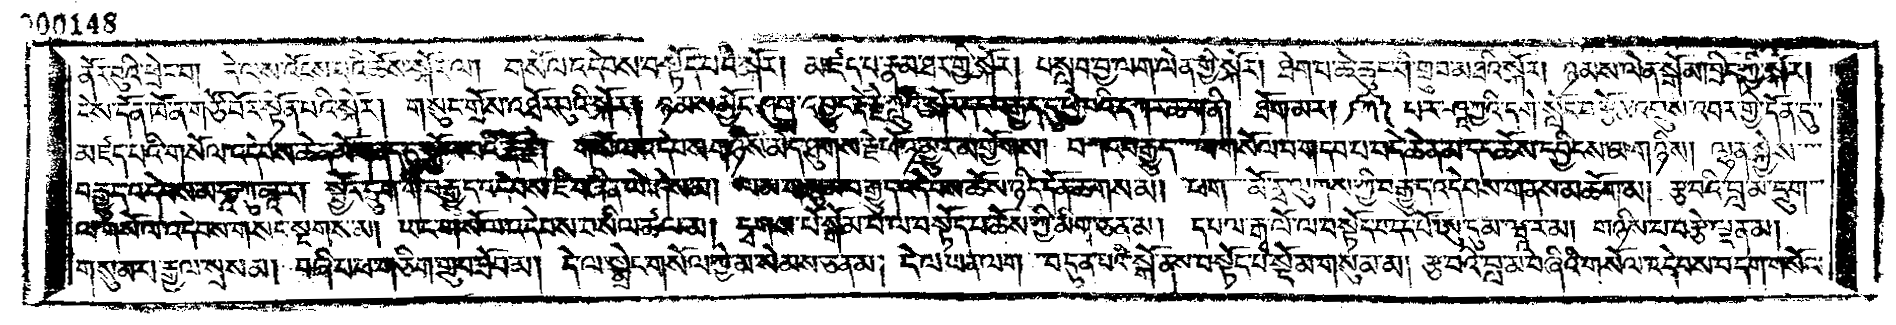ནོར་བུའི་ཕྲེང་བ། དེ་ལས་འོངས་པའི་ཆོས་སྐོར་ལ། གསོལ་འདེབས་བསྟོད་པའི་སྐོར། མཛད་པ་རྣམ་ཐར་གྱི་སྐོར། བསླབ་བྱ་ལག་ལེན་གྱི་སྐོར། ཐེག་པ་ཆེ་ཆུང་གི་གྲུབ་མཐའི་སྐོར། ཉམས་ལེན་སྒོམ་ཁྲིད་ཀྱི་སྐོར།
ངེས་དོན་ཁོ་ན་གཙོ་བོར་སྟོན་པའི་སྐོར། གསུང་གྲོས་འཐོར་བུའི་སྐོར། ཉམས་མྱོང་ཤུགས་འབྱུང་རྡོ་རྗེ་ཀླུའི་སྐོར་དང་བརྒྱད་དུ་ཕྱེ་བའི་དཀར་ཆག་ནི། ཐོག་མར། ༼ཀ༽ པར་ཤཱཀྱའི་དགེ་སློང་བརྩོན་འགྲུས་འབར་གྱི་དོན་དུ་
མཛད་པའི་གསོལ་འདེབས་ཆེན་མོ་གནད་དུ་སྐྱོལ་བའི་རྡོ་རྗེ། གསོལ་འདེབས་གཉིས་མེད་ཐུགས་རྗེ་ཕོ་ཉ་མྱུར་མགྱོགས། བཀའ་བརྒྱུད་ལ་གསོལ་བ་གདབ་པ་བདེ་ཆེན་མ་དང་ཆོས་དབྱིངས་མ་གཉིས། ལྷན་སྐྱེས་
བརྒྱུད་འདེབས་མ་ཧཱ་ཀུ་མཱ་ར། སྦྱོར་དྲུག་གི་བརྒྱུད་འདེབས་ཇི་བཞིན་ཡེ་ཤེས་མ། ལམ་གསུམ་བརྒྱུད་འདེབས་ཆོས་ཉིད་དོན་ཆགས་མ། ཕག་མོ་རྭ་ལུགས་ཀྱི་བརྒྱུད་འདེབས་གནས་མཆོག་མ། རྩ་བའི་བླ་མ་དྲུག་
ལ་གསོལ་འདེབས་གསང་སྔགས་མ། ཡང་གསོལ་འདེབས་བསིལ་ཚལ་མ། དྭགས་པོ་སྒོམ་པ་ལ་བསྟོད་པ་ཆོས་ཀྱི་མིག་ཅན་མ། དཔལ་རྒྭ་ལོ་ལ་བསྟོད་པ་དང་པོ་ཨུ་དུ་མ་ཝཱ་ར་མ། གཉིས་པ་བརྩེ་ལྡན་མ།
གསུམ་པ་རྒྱལ་སྲས་མ། བཞི་པ་ཕ་གཅིག་གྲུབ་ཐོབ་མ། དེ་ལ་སྨྲེང་གསོལ་ཀྱེ་མ་སེམས་ཅན་མ། དེ་ལ་ཡན་ལག་བདུན་པའི་སྒོ་ནས་བསྟོད་པ་སྡོམ་གསུམ་མ། རྩ་བའི་བླ་མ་བཞིའི་གསོལ་འདེབས་བདག་གསོལ་